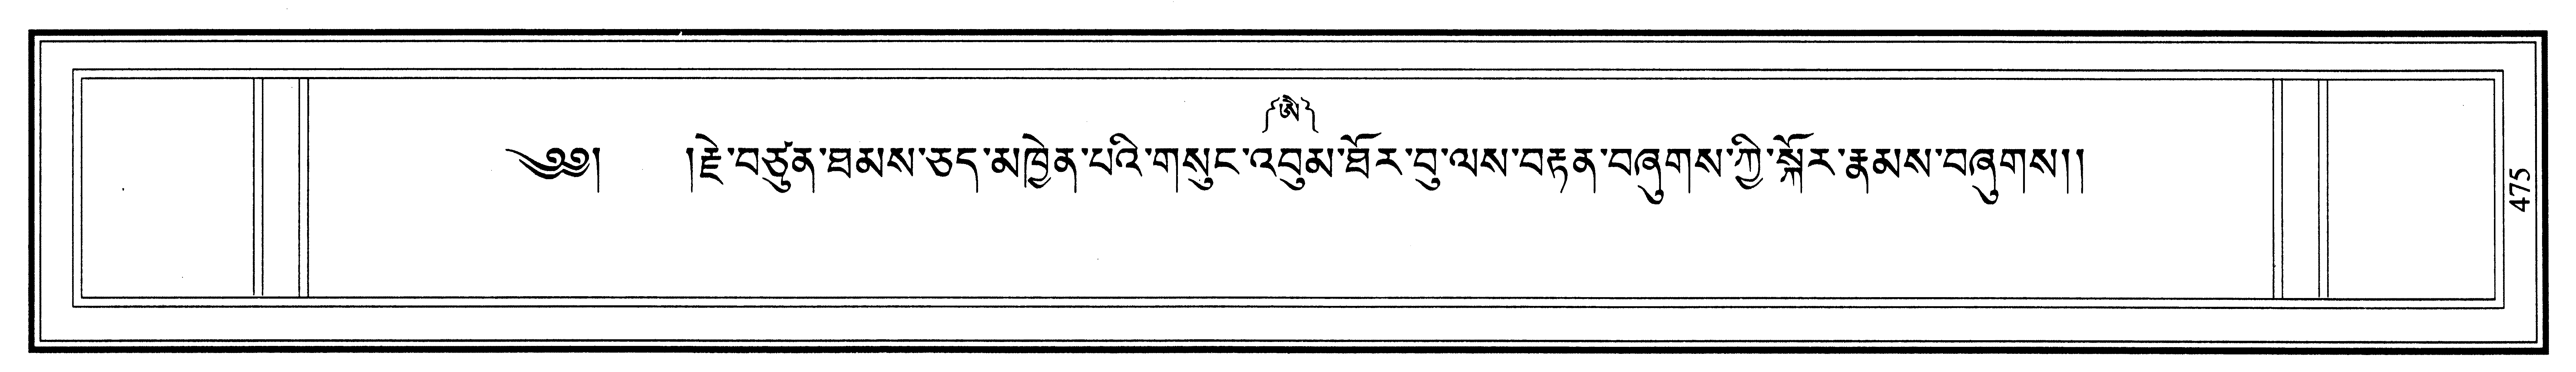༄༅། །རྗེ་བཙུན་ཐམས་ཅད་མཁྱེན་པའི་གསུང་འབུམ་ཐོར་བུ་ལས་བརྟན་བཞུགས་ཀྱི་སྐོར་རྣམས་བཞུགས།།